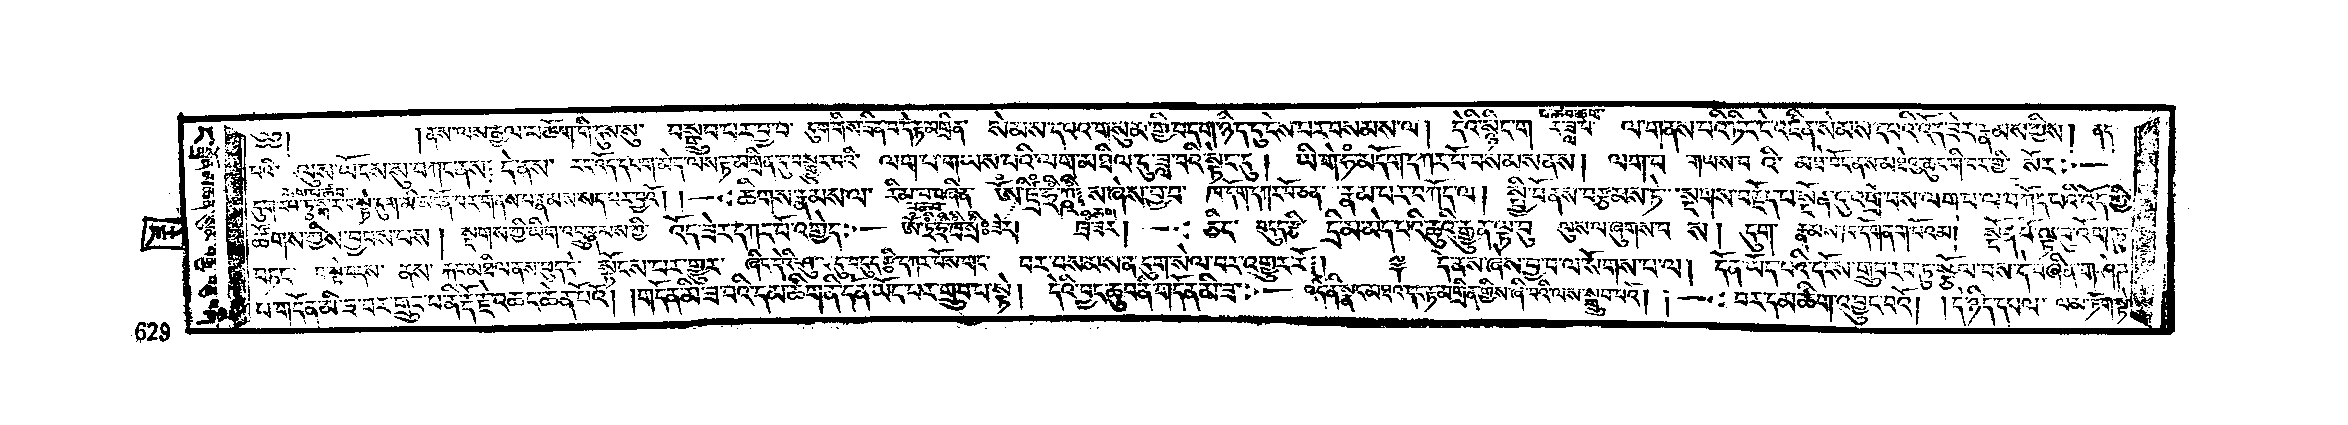༄༅། །ནས་ལས་རྒྱལ་མཆོག་གི་དུས་སུ་བསྒྲུབ་པར་བྱ་བ་དུག་གིས་ཟིན་བ་དེ་རྟ་མགྲིན་སེམས་དཔའ་གསུམ་གྱི་བདག་ཉིད་དུ་ངེས་པར་བསམས་ལ། དེའི་སྙིང་ག་པ་ཚབ་ཆག་ར་ཟླ་བ་ལ་གནས་པའི་ཏིང་ངེ་འཛིན་སེམས་དཔའི་འོད་ཟེར་རྣམས་ཀྱིས། ནད་
པའི་ལུས་ཡོངས་སུ་བཀང་ནས་དེ་ནས་རང་འོད་དཔག་མེད་ལས་རྟ་མགྲིན་དུ་བསྒྱུར་བའི་ལག་པ་གཡས་པའི་ལག་མཐིལ་དུ་ཟླ་བའི་སྟེང་དུ། ཡི་གེ་ཧཾ་མདོག་དཀར་པོ་བསམས་ནས། ལག་པ་གཡས་པ་འི་མཐེ་བོང་ནས་མཐེའུ་ཆུང་གི་བར་གྱི་སོར་H.
དུག་ཆག་པ་ཚབ་རབ་ཏུ་སྐར་བ་སྟེ་དུག་མི་མངོན་པར་གནས་པ་རྣམས་སད་པར་བྱའོ།། .H ཚིགས་རྣམས་ལ་རིམ་པ་བཞིན་ཨོཾ་ཛྲིཾ་ཧྲིཾ་ཀྵིཾ་ས་ཞེས་བྱ་བ་ཁ་དོག་དཀར་པོ་ཅན་རྣམ་པར་བཀོད་ལ། སྤྱི་བོ་ནས་བརྩམས་ཏེ་སྔགས་བརྗོད་པ་སྔོན་དུ་འགྲོ་བས་ལག་པ་ལ་བཀོད་པའི་འོད་ཀྱི་
ཚོགས་ཀྱིས་བྱབས་པས། སྔགས་ཀྱི་ཡིག་འབྲུ་རྣམས་ཀྱི་འོད་ཟེར་དཀར་པོ་འགྱེད་H.་པ་ཚབ་ཨོཾ་ཏྲིཾ་ཧྲིཾ་ཁྲིཾ་སྲིཾཿ ཟེར། ཁྲིཾ་ཟེར། .H ཅིང་བདུད་རྩི་དྲི་མ་མེད་པའི་ཆུའི་རྒྱུན་ལྟ་བུ་ལུས་ལ་ཞུགས་པ་ས། དུག་རྣམས་ཁ་དོག་ནག་པོའམ། སྔོན་པོ་ལྟ་བུ་འོག་ཏུ་
བཏང་བ་སྟེ་བདས་ནས་རྐང་མཐིལ་ནས་ཕུད་དེ་སྟོངས་པར་གྱུར་ཞིང་དེའི་ཤུལ་དུ་བདུད་རྩི་དཀར་པོས་གང་བར་བསམས་ན་དུག་སེལ་བར་འགྱུར་རོ། ༈ དེ་ནས་ཞེས་བྱ་བ་ལ་སོགས་པ་ལ། དོན་ཡོད་པའི་དངོས་གྲུབ་རབ་ཏུ་སྩོལ་བས་དེ་བཞིན་གཤེགས་
པ་གདོན་མི་ཟ་བར་གྲུབ་པ་ནི་རྡོ་རྗེ་འཆང་ཆེན་པོའོ། །གདོན་མི་ཟ་བའི་དམ་ཚིག་ནི་དོན་ཡོད་པར་གྲུབ་པ་སྟེ། དེའི་བྱང་ཆུབ་ནི་གདོན་མི་ཟ་H.་འདི་ནི་སྣང་མཐའ་དང་རྟ་མགྲིན་གྱིས་ཞི་བའི་ལས་སྒྲུབ་པའོ། ། .H བར་དམ་ཚིག་འབྱུང་བའོ། །དེ་ཉིད་དཔལ་ལམ་ཏོག་སྟེ་